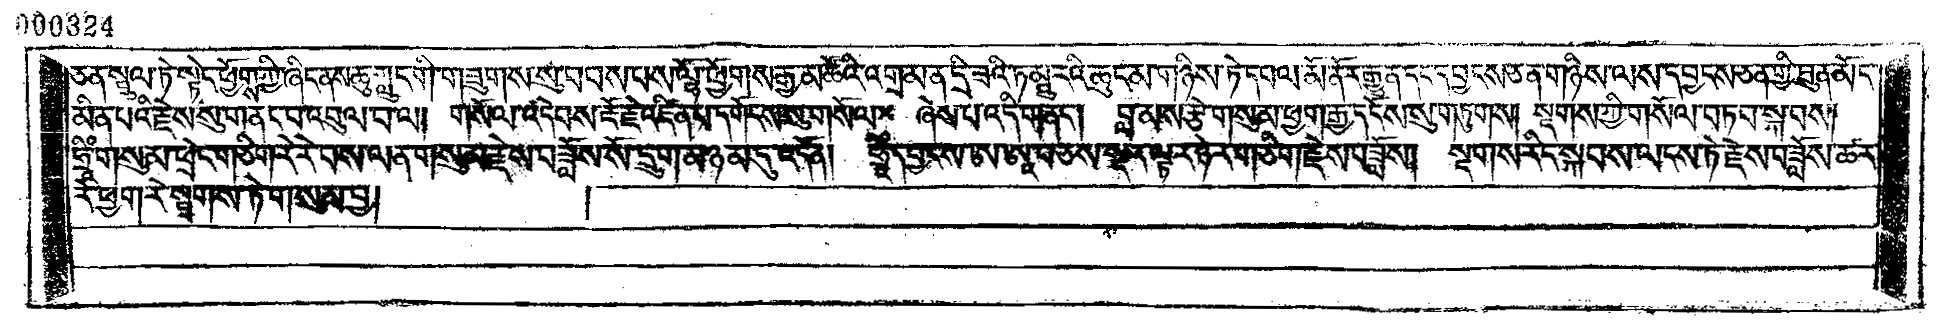ཅན་སྤྲུལ་ཏེ་སྟེང་ཕྱོགས་ཀྱི་ཞིང་ནས་ཆུ་ཀླུང་གི་གཟུགས་སུ་བབས་པས་ལྷོ་ཕྱོགས་རྒྱ་མཚོའི་འགྲམ་ན་དྲི་ཟའི་ཏམྦུ་རའི་ཆུང་མ་གཉིས་ཏེ་དཔལ་མོ་ནོར་རྒྱུན་དང་དབྱངས་ཅན་གཉིས་ལས་དབྱངས་ཅན་གྱི་ཐུན་མོང་
མིན་པའི་རྗེས་སུ་གནང་བ་འབུལ་བ་ལ། གསོལ་འདེབས་རྡོ་རྗེ་འཛིན་པ་དགོངས་སུ་གསོལ྾་ཞེས་པ་འདི་གནང་། བླ་མས་རྩེ་གསུམ་ཕྱག་རྒྱ་དངོས་སུ་གཏུགས། སྔགས་ཀྱི་གསོལ་བཏབ་སྐབས།
ཧྲཱིཾ་གསུམ་ཕྲེང་གཅིག་རེ་རེ་བས་ལན་གསུམ་རྗེས་བཟློས་སོ་དྲུག་མཉམ་དུ་འདོན། ཧྲཱིཾ་དབྱངས་ཨ་ཨཱ་བཅས་སྔར་ལྟར་ཉེར་གཅིག་རྗེས་བཟློས། སྔགས་རིང་སྐབས་ལངས་ཏེ་རྗེས་བཟློས་ཚར་
རེ་ཕྱག་རེ་སྦྲགས་ཏེ་གསུམ་བྱ། །